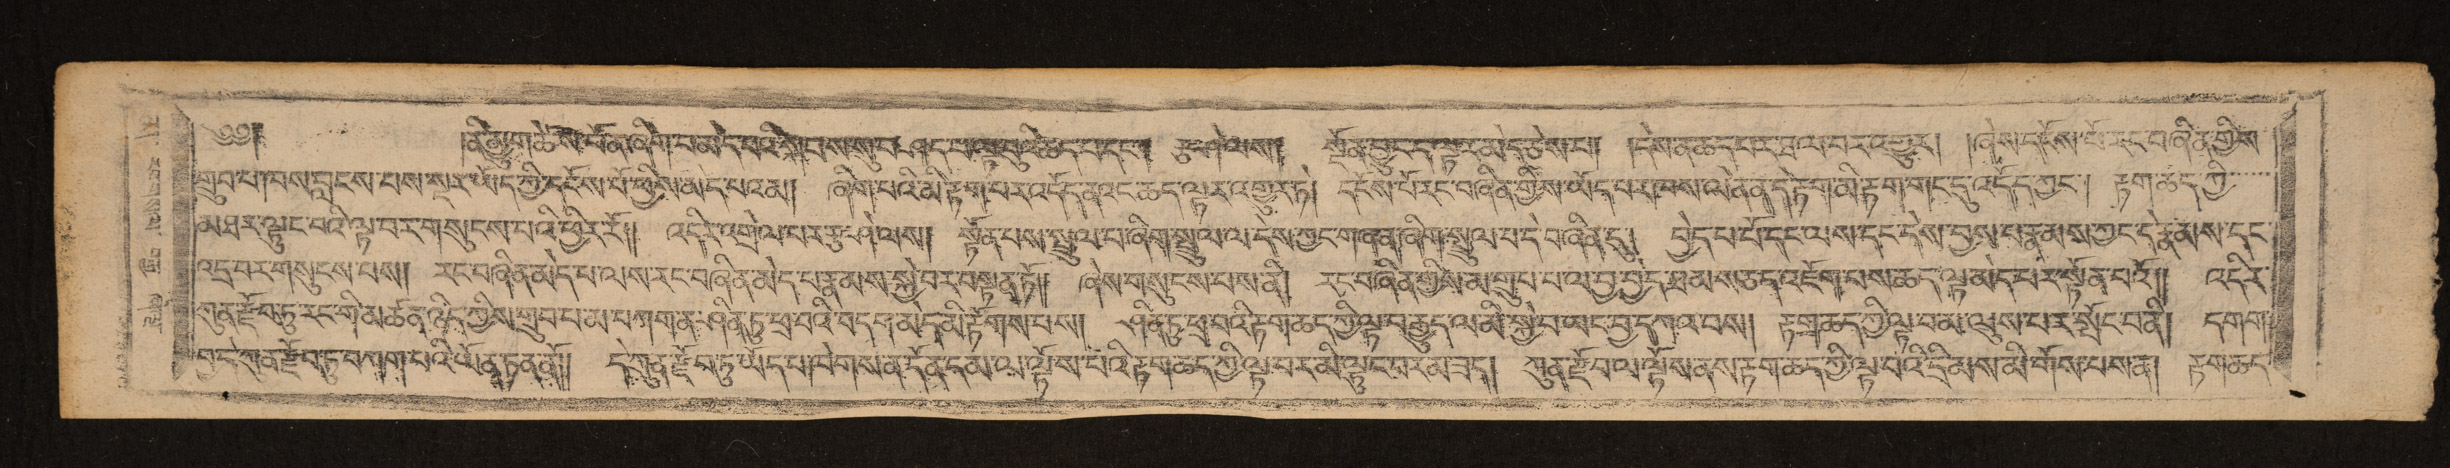༄༅། །ནི་མྱུག་ཚེ་ས་བོན་ཞིག་པ་མེད་པའི་སྐབས་སུ་བཤད་པ་ལྟ་བུའི་ཆད་པ་དང་། རྩ་ཤེ་ལས། སྔོན་བྱུང་ད་ལྟར་མེད་ཅེས་པ། །དེས་ན་ཆད་པར་ཐལ་བར་འགྱུར། །ཞེས་དངོས་པོ་རང་བཞིན་གྱིས་
གྲུབ་པ་ཁས་བླངས་པས་སྔར་ཡོད་ཀྱི་དངོས་པོ་ཕྱིས་མེད་པའམ། ཞིག་པའི་མི་རྟག་པར་འདོད་ནའང་ཆད་ལྟར་འགྱུར་ཏེ། དངོས་པོ་རང་བཞིན་གྱིས་ཡོད་པར་ཁས་ལེན་ན་དེ་རྟག་མི་རྟག་གང་དུ་འདོད་ཀྱང་། རྟག་ཆད་ཀྱི་
མཐར་ལྟུང་བའི་ལྟ་བར་གསུངས་པའི་ཕྱིར་རོ།། འདིར་འགྲེལ་པར་རྩ་ཤེ་ལས། སྟོན་པས་སྤྲུལ་པ་ཞིག་སྤྲུལ་ལ་དེས་ཀྱང་གཞན་ཞིག་སྤྲུལ་པ་དེ་བཞིན་དུ། བྱེད་པ་པོ་དང་ལས་དང་དེས་བྱས་པ་རྣམས་ཀྱང་དེ་རྣམས་དང་
འདྲ་བར་གསུངས་པས། རང་བཞིན་མེད་པ་ལས་རང་བཞིན་མེད་པ་རྣམས་སྐྱེ་བར་བསྟན་ཏོ།། ཞེས་གསུངས་པས་ནི། རང་བཞིན་གྱིས་མ་གྲུབ་པ་ལ་བྱ་བྱེད་ཐམས་ཅད་འཇོག་པས་ཆད་ལྟ་མེད་པར་སྟོན་པའོ།། འདིར་
ཀུན་རྫོབ་ཏུ་རང་གི་མཚན་ཉིད་ཀྱིས་གྲུབ་པ་མ་བཀག་ན་ཤིན་ཏུ་ཕྲ་བའི་བདག་མེད་མི་རྟོགས་པས། ཤིན་ཏུ་ཕྲ་བའི་རྟག་ཆད་ཀྱི་ལྟ་བ་རྒྱུད་ལ་མི་སྐྱེ་བ་ཡང་བྱ་དཀའ་བས། རྟག་ཆད་ཀྱི་ལྟ་བ་མ་ལུས་པར་སྤོང་བ་ནི། དགག་
བྱ་དེ་ཀུན་རྫོབ་ཏུ་བཀག་པའི་ཡོན་ཏན་ནོ།། དེ་ཀུན་རྫོབ་ཏུ་ཡོད་པ་ཁེགས་ན་དོན་དམ་ལ་ལྟོས་པའི་རྟག་ཆད་ཀྱི་ལྟ་བར་མི་ལྟུང་བར་མ་ཟད། ཀུན་རྫོབ་ལ་ལྟོས་ནས་རྟག་ཆད་ཀྱི་ལྟ་བའི་དྲི་མས་མི་གོས་པས་ན། རྟག་ཆད་